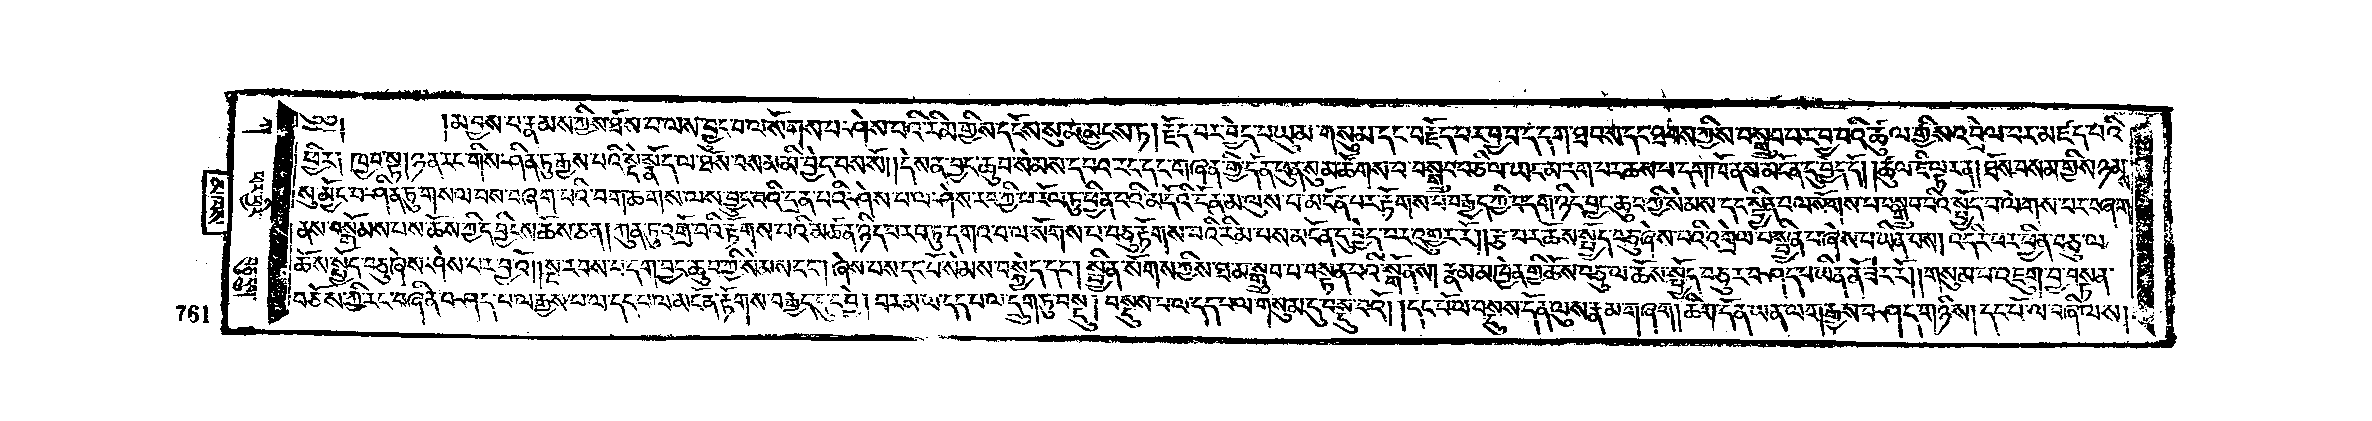༄༅། །མ་བྱས་པ་རྣམས་ཀྱིས་ཐོས་པ་ལས་བྱུང་བ་ལ་སོགས་པ་ཤེས་པའི་རིམ་གྱིས་དངོས་སུ་མ་མྱངས་ཏེ། རྗོད་པར་བྱེད་པ་ཡུམ་གསུམ་དང་བརྗོད་པར་བྱ་བ་དེ་དག་ཐབས་དང་ཐབ་ཀྱིས་བསྒྲུབ་པར་བྱ་བའི་ཚུལ་གྱིས་འབྲེལ་པར་མཛད་པའི་
ཕྱིར། ཁྱབ་སྟེ། ཉན་རང་གིས་ཤིན་ཏུ་རྒྱས་པའི་སྡེ་སྣོད་ལ་ཐོས་བསམ་མི་བྱེད་པས་སོ། །དེས་ན་བྱང་ཆུབ་སེམས་དཔའ་རང་དང་གཞན་གྱི་དོན་ཕུན་སུམ་ཚོགས་པ་བསྒྲུབ་པ་ཅི་ལ་ཡང་མ་རག་པར་ཆས་པ་དག་ཁོ་ནས་མངོན་དུ་བྱེད་དོ། །ཚུལ་ཇི་ལྟར་ན། ཐོས་བསམ་གྱིས་ཉམས་
སུ་མྱོང་བ་ཤིན་ཏུ་གསལ་བས་བཞག་པའི་བག་ཆགས་ལས་བྱུང་བའི་དྲན་པའི་ཤེས་པ་ལ་ཤེས་རབ་ཀྱི་ཕ་རོལ་ཏུ་ཕྱིན་པའི་མདོའི་དོན་མ་ལུས་པ་མངོན་པར་རྟོགས་པ་བརྒྱད་ཀྱི་བདག་ཉིད་བྱང་ཆུབ་ཀྱི་སེམས་དང་སྦྱིན་པ་ལ་སོགས་པ་བསྒྲུབ་པའི་སྤྱོད་པ་ལེགས་པར་བཞག་
ནས་བསྒོམས་པས་ཆོས་ཀྱི་དབྱིངས་ཆོས་ཅན། ཀུན་ཏུ་འགྲོ་བའི་རྟོགས་པའི་མཚན་ཉིད་པ་རབ་ཏུ་དགའ་བ་ལ་སོགས་པ་བཅུ་རྟོགས་པའི་རིམ་པས་མངོན་དུ་བྱེད་པར་འགྱུར་རོ། །རྩ་བར་ཆོས་སྤྱོད་བཅུ་ཞེས་པའི་འགྲེལ་པ་སྦྱིན་པ་ཞེས་པ་ཡིན་པས། འདིར་ཕར་ཕྱིན་བཅུ་ལ་
ཆོས་སྤྱོད་བཅུ་ཞེས་ཤེས་པར་བྱའོ། །སྔ་རབས་པ་དག་བྱང་ཆུབ་ཀྱི་སེམས་དང་། ཞེས་པས་དང་པོ་སེམས་བསྐྱེད་དང་། སྦྱིན་སོགས་ཀྱིས་ཐ་མ་སྒྲུབ་པ་བསྟན་པའི་སྒོ་ནས། རྣམ་མཁྱེན་གྱི་ཆོས་བཅུ་ལ་ཆོས་སྤྱོད་བཅུར་བཤད་པ་ཡིན་ནོ་ཟེར་རོ། །གསུམ་པ་འཇུག་བྱ་བསྟན་
བཅོས་ཀྱི་རང་བཞིན་བཤད་པ་ལ་རྒྱས་པ་ལ་དང་པོ་ལ་མངོན་རྟོགས་བརྒྱད་དུ་དབྱེ། བར་མ་ལ་དད་པ་ལ་དྲུག་ཏུ་བསྡུ། བསྡུས་པ་ལ་དད་པ་ལ་གསུམ་དུ་བསྡུ་པའོ། །དང་པོ་ལ་བསྡུས་དོན་ལུས་རྣམ་གཞག། ཚིག་དོན་ཡན་ལག་རྒྱས་བཤད་གཉིས། དང་པོ་ལ་བཞི་ལས།